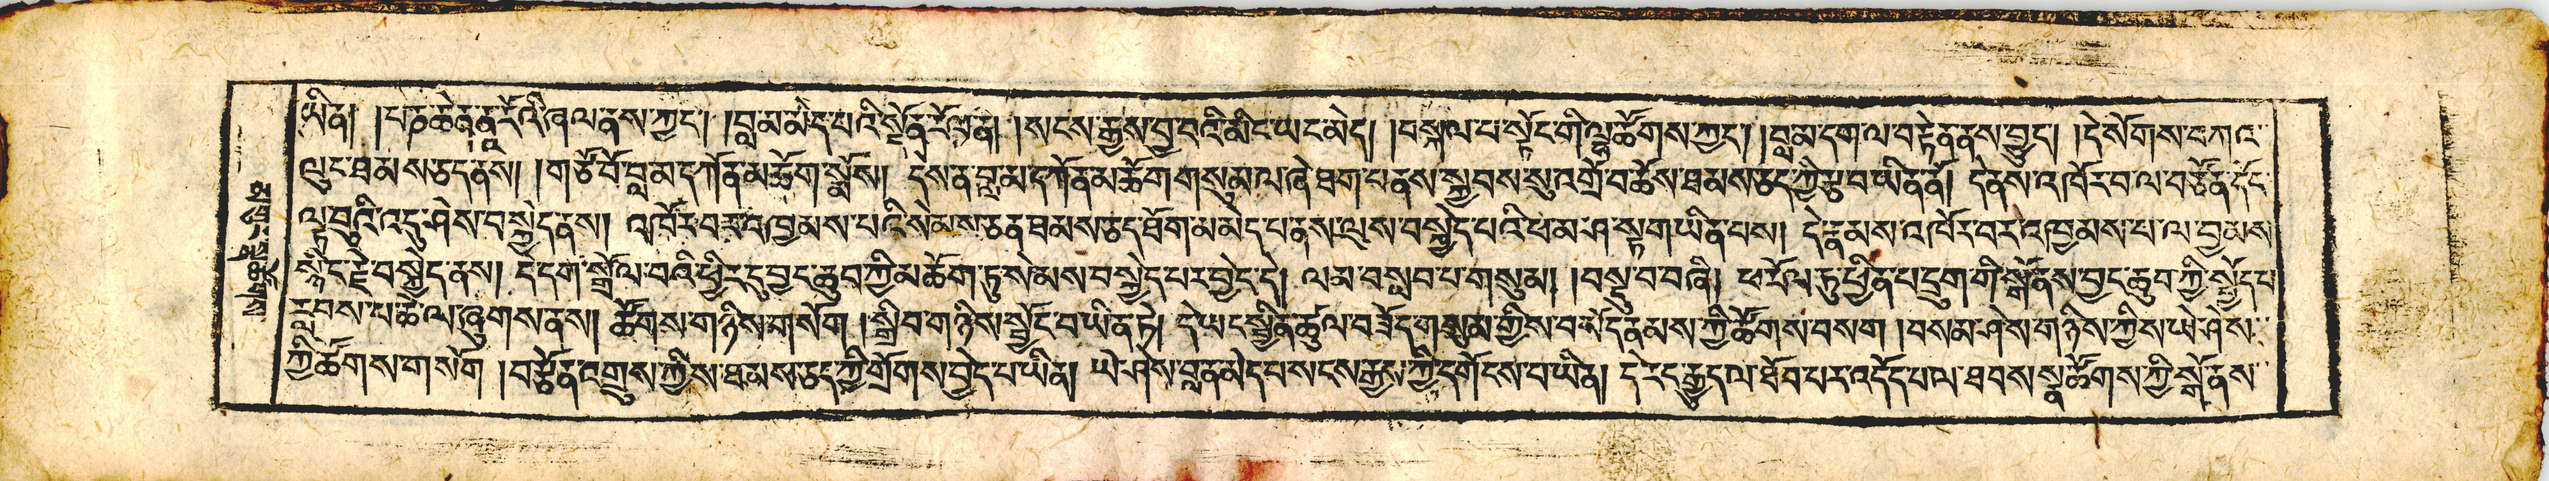ཡིན། །པཎ་ཆེནཱ་ནཱ་རོའི་ཞལ་ནས་ཀྱང་། །བླ་མ་མེད་པའི་སྔོན་རོལ་ན། །སངས་རྒྱས་བྱ་བའི་མིང་ཡང་མེད། །བསྐལ་པ་སྟོང་གི་ལྷ་ཚོགས་ཀྱང་། །བླ་མ་དག་ལ་བརྟེན་ནས་བྱུང་། །དེ་སོགས་བཀའ་
ལུང་ཐམས་ཅད་ནས། །གཙོ་བོ་བླ་མ་དཀོན་མཆོག་སྨོས། དེས་ན་བླ་མ་དཀོན་མཆོག་གསུམ་ལ་ཞེ་ཐག་པ་ནས་སྐྱབས་སུ་འགྲོ་བ་ཆོས་ཐམས་ཅད་ཀྱི་རྩ་བ་ཡིན་ནོ། དེ་ནས་འཁོར་བ་ལ་བཙོན་དོང་
ལྟ་བུའི་འདུ་ཤེས་བསྐྱེད་ནས། འཁོར་བར་འཁྱམས་པའི་སེམས་ཅན་ཐམས་ཅད་ཐོག་མ་མེད་པ་ནས་ལུས་བསྐྱེད་པའི་ཕ་མ་ཤ་སྟག་ཡིན་པས། དེ་རྣམས་འཁོར་བར་འཁྱམས་པ་ལ་བྱམས་
སྙིང་རྗེ་བསྐྱེད་ནས། དེ་དག་སྒྲོལ་བའི་ཕྱིར་དུ་བྱང་ཆུབ་ཀྱི་མཆོག་ཏུ་སེམས་བསྐྱེད་པར་བྱེད་དེ། ལམ་བསླབ་པ་གསུམ། །བསྡུ་བ་བཞི། ཕ་རོལ་ཏུ་ཕྱིན་པ་དྲུག་གི་སྒོ་ནས་བྱང་ཆུབ་ཀྱི་སྤྱོད་པ་
རླབས་པོ་ཆེ་ལ་ཞུགས་ནས། ཚོགས་གཉིས་གསོག །སྒྲིབ་གཉིས་སྦྱོང་བ་ཡིན་ཏེ། དེ་ཡང་སྦྱིན་ཚུལ་བཟོད་གསུམ་གྱིས་བསོད་ནམས་ཀྱི་ཚོགས་བསགས། བསམ་ཤེས་གཉིས་ཀྱིས་ཡེ་ཤེས་
ཀྱི་ཚོགས་གསོག །བརྩོན་འགྲུས་ཀྱིས་ཐམས་ཅད་ཀྱི་གྲོགས་བྱེད་པ་ཡིན། ཡེ་ཤེས་བླ་ན་མེད་པ་སངས་རྒྱས་ཀྱི་དགོངས་པ་ཡིན། དེ་རང་རྒྱུད་ལ་ཐོབ་པར་འདོད་པ་ལ་ཐབས་སྣ་ཚོགས་ཀྱི་སྒོ་ནས་